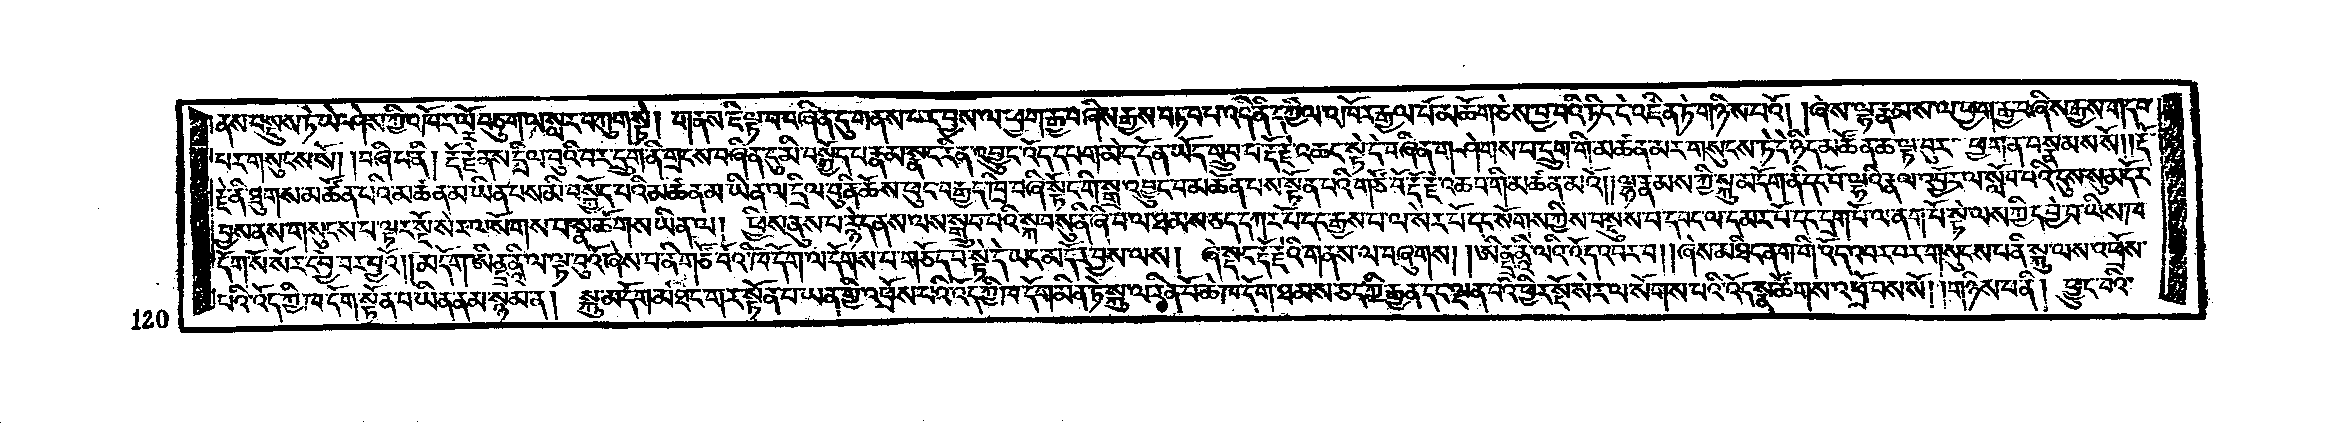ནས་བསྡུས་ཏེ་ཡེ་ཤེས་ཀྱི་འཁོར་ལོར་བཅུག་ལ་སླར་བཀུག་སྟེ། གནས་ཇི་ལྟ་བ་བཞིན་དུ་གནས་པར་བྱས་ལ་ཕྱག་རྒྱ་བཞིས་རྒྱས་བཏབ་པ་འདི་ནི་དཀྱིལ་འཁོར་རྒྱལ་པོ་མཆོག་ཅེས་བྱ་བའི་ཏིང་ངེ་འཛིན་ཏེ་གཉིས་པའོ། །ཞེས་ལྷ་རྣམས་ལ་ཕྱག་རྒྱ་བཞིས་རྒྱས་གདབ་
པར་གསུངས་སོ། །བཞི་པ་ནི། རྡོ་རྗེ་ནས་དྲིལ་བུའི་བར་དྲུག་ནི་གྲངས་བཞིན་དུ་མི་བསྐྱོད་པ་རྣམ་སྣང་རིན་འབྱུང་འོད་དཔག་མེད་དོན་ཡོད་གྲུབ་པ་རྡོ་རྗེ་འཆང་སྟེ་དེ་བཞིན་གཤེགས་པ་དྲུག་གི་མཚན་མར་གསུངས་ཏེ་དེ་ཉིད་མཚོན་ཆ་ལྟ་བུར་ཕྱག་ན་བསྣམས་སོ། །རྡོ་
རྗེ་ནི་ཐུགས་མཚོན་པའི་མཚན་མ་ཡིན་པས་མི་བསྐྱོད་པའི་མཚན་མ་ཡིན་ལ་དྲིལ་བུ་ནི་ཆོས་ཕུང་བརྒྱད་ཁྲི་བཞི་སྟོང་གི་སྒྲ་འབྱུང་བ་མཚོན་པས་སྟོན་པའི་གཙོ་བོ་རྡོ་རྗེ་འཆང་གི་མཚན་མའོ། །ལྷ་རྣམས་ཀྱི་སྐུ་མདོག་ནི་དང་པོ་ལྷའི་རྣལ་འབྱོར་ལ་སློབ་པའི་དུས་སུ་མདོར་
བྱས་ནས་གསུངས་པ་ལྟར་སྔོ་སེར་ལ་སོགས་པ་སྣ་ཚོགས་ཡིན་ལ། ཕྱིས་ནུས་པ་རྙེད་ནས་ལས་སྒྲུབ་པའི་སྐབས་སུ་ནི་ཞི་བ་ལ་ཐམས་ཅད་དཀར་པོ་དང་རྒྱས་པ་ལ་སེར་པོ་དང་སོགས་ཀྱིས་བསྡུས་པ་དབང་ལ་དམར་པོ་དང་དྲག་པོ་ལ་ནག་པོ་སྟེ་ལས་ཀྱི་དབྱེ་བ་ཡིས་ཁ་
དོག་སོ་སོར་དབྱེ་བར་བྱའོ། །མདོག་ཨིནྡྲ་ནཱི་ལ་ལྟ་བུའོ་ཞེས་པ་ནི་གཙོ་བོའི་ཁ་དོག་ལ་དོགས་པ་གཅོད་པ་སྟེ་དེ་ཡང་མདོར་བྱས་ལས། ཞེ་སྡང་རྡོ་རྗེའི་གནས་ལ་བཞུགས། །ཨིནྡྲ་ནཱི་ལའི་འོད་འབར་བ། །ཞེས་མཐིང་ནག་གི་འོད་འབར་བར་གསུངས་པ་ནི་སྐུ་ལས་འཕྲོས་
པའི་འོད་ཀྱི་ཁ་དོག་སྟོན་པ་ཡིན་ནམ་སྙམ་ན། སྐུ་མདོག་མཐིང་གར་སྟོན་པ་ཡན་གྱི་འཕྲོས་པའི་འོད་ཀྱི་ཁ་དོག་མིན་ཏེ་སྐུ་ལ་རིན་པོ་ཆེ་ཁ་དོག་ཐམས་ཅད་ཀྱི་རྒྱན་དང་ལྡན་པའི་ཕྱིར་སྔོ་སེར་ལ་སོགས་པའི་འོད་སྣ་ཚོགས་འཕྲོ་བས་སོ། །གཉིས་པ་ནི། ཕྱུང་བའི་